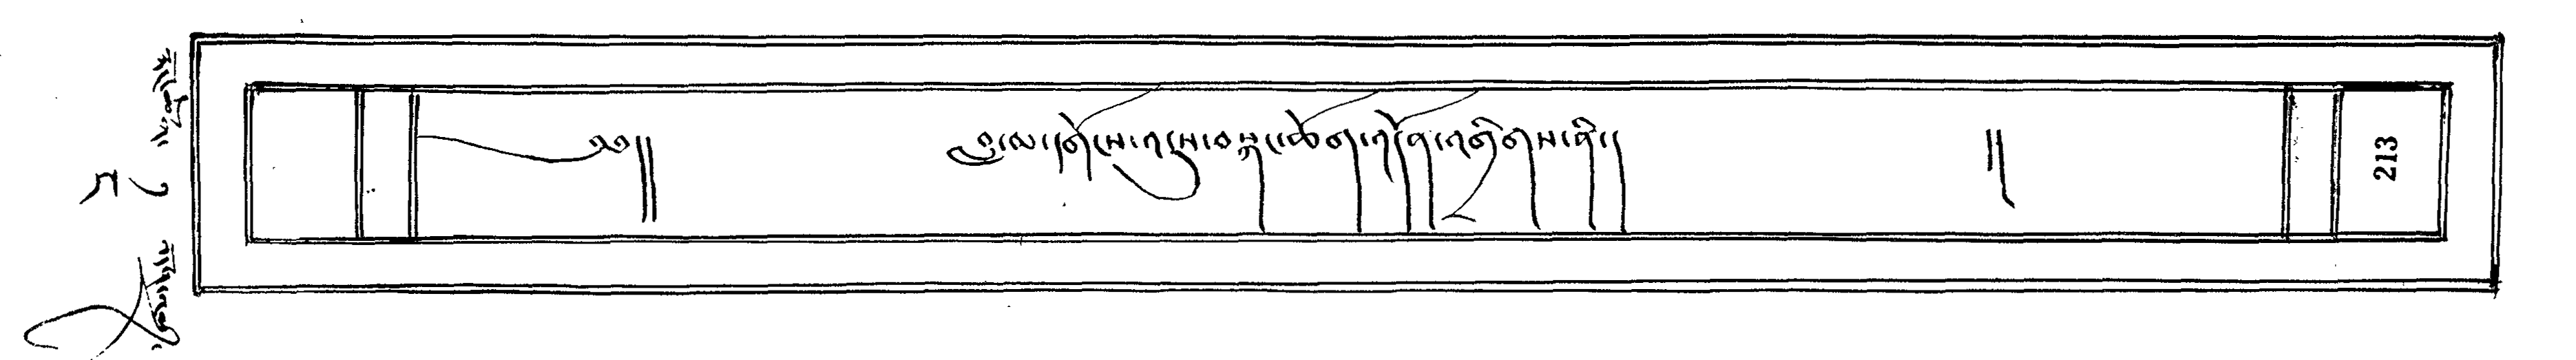༄༅། བླ་མ་དགོངས་འདུས་བསྐང་མཆོག་འདོན་འགྲིགས་བཞུགས།